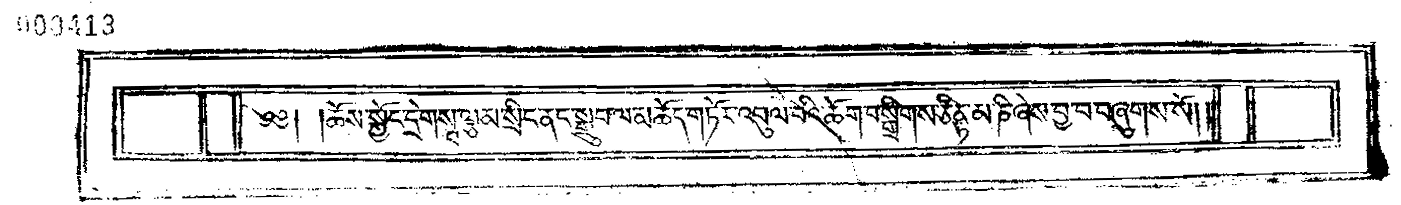༄༅། །ཆོས་སྐྱོང་དྲེགས་པ་ལྕམ་སྲིང་ནང་སྒྲུབ་ལ་མཆོད་གཏོར་འབུལ་བའི་ཆོག་བསྒྲིགས་ཙིནྟ་མ་ཎི་ཞེས་བྱ་བ་བཞུགས་སོ། །